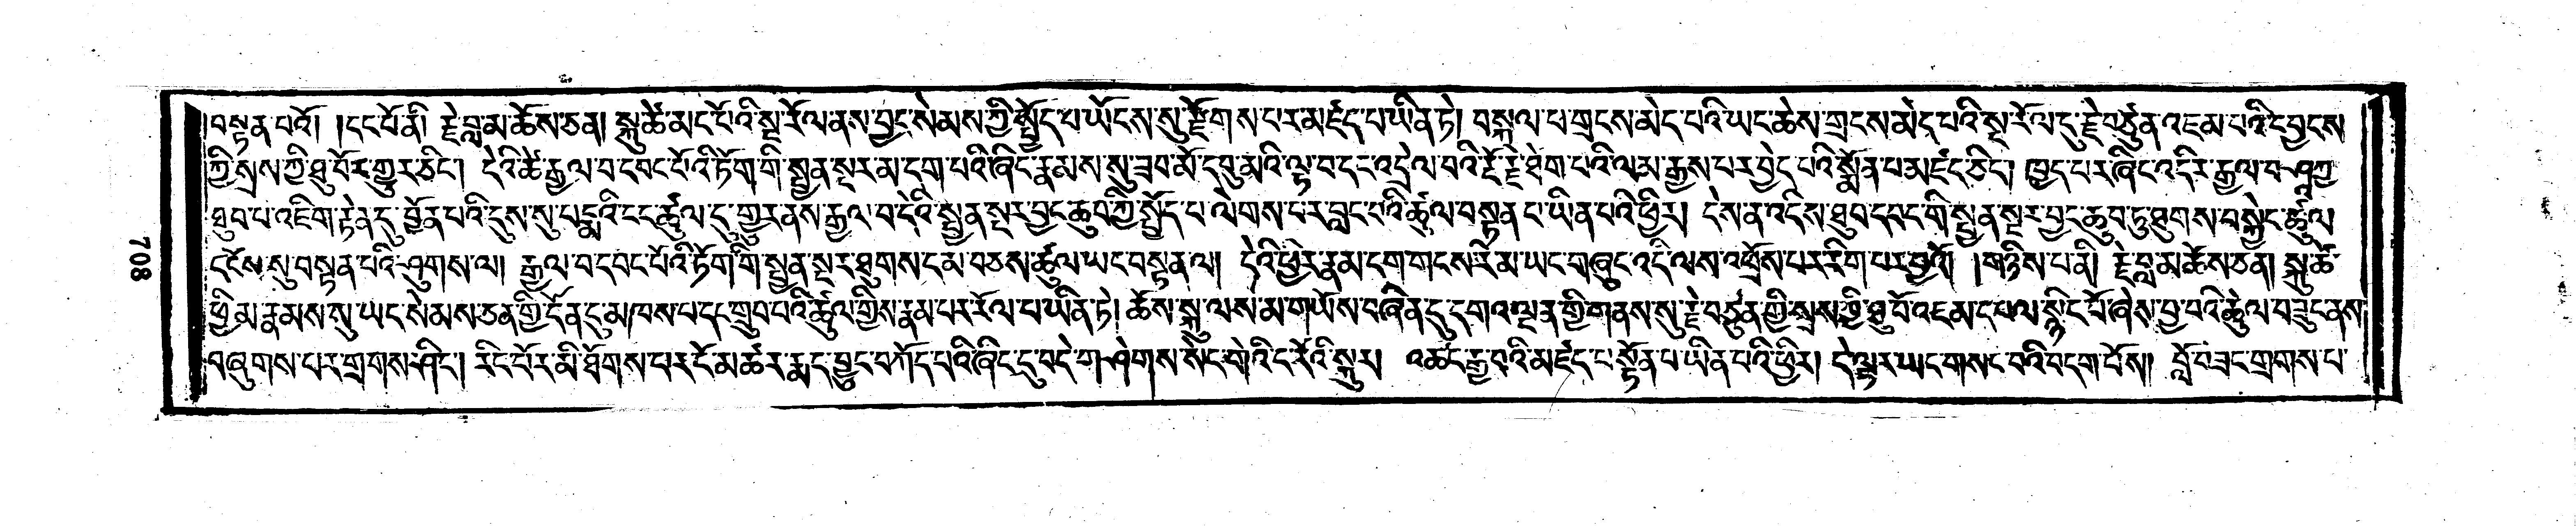བསྟན་པའོ། །དང་པོ་ནི། རྗེ་བླ་མ་ཆོས་ཅན། སྐུ་ཚེ་མང་པོའི་སྔ་རོལ་ནས་བྱང་སེམས་ཀྱི་སྤྱོད་པ་ཡོངས་སུ་རྫོགས་པར་མཛད་པ་ཡིན་ཏེ། བསྐལ་པ་གྲངས་མེད་པའི་ཡང་ཆེས་གྲངས་མེད་པའི་སྔ་རོལ་དུ་རྗེ་བཙུན་འཇམ་པའི་དབྱངས་
ཀྱི་སྲས་ཀྱི་ཐུ་བོར་གྱུར་ཅིང་། དེའི་ཚེ་རྒྱལ་བ་དབང་པོའི་ཏོག་གི་སྤྱན་སྔར་མ་དག་པའི་ཞིང་རྣམས་སུ་ཟབ་མོ་དབུ་མའི་ལྟ་བ་དང་འབྲེལ་བའི་རྡོ་རྗེ་ཐེག་པའི་ལམ་རྒྱས་པར་བྱེད་པའི་སྨོན་པ་མཛད་ཅིང་། ཁྱད་པར་ཞིང་འདིར་རྒྱལ་བ་ཤཱཀྱ་
ཐུབ་པ་འཇིག་རྟེན་དུ་བྱོན་པའི་དུས་སུ་པདམའི་ངང་ཚུལ་དུ་གྱུར་ནས་རྒྱལ་བ་དེའི་སྤྱན་སྔར་བྱང་ཆུབ་ཀྱི་སྤྱོད་པ་ལེགས་པར་བླང་པའི་ཚུལ་བསྟན་པ་ཡིན་པའི་ཕྱིར། དེས་ན་འདིས་ཐུབ་དབང་གི་སྤྱན་སྔར་བྱང་ཆུབ་ཏུ་ཐུགས་བསྐྱེད་ཚུལ་
དངོས་སུ་བསྟན་པའི་ཤུགས་ལ། རྒྱལ་བ་དབང་པོའི་ཏོག་གི་སྤྱན་སྔར་ཐུགས་དམ་བཅས་ཚུལ་ཡང་བསྟན་ལ། དེའི་ཕྱིར་རྣམ་དག་གངས་རི་མ་ཡང་གཞུང་འདི་ལས་འཕྲོས་པར་རིག་པར་བྱའོ། །གཉིས་པ་ནི། རྗེ་བླ་མ་ཆོས་ཅན། སྐུ་ཚེ་
ཕྱི་མ་རྣམས་སུ་ཡང་སེམས་ཅན་གྱི་དོན་དུ་མཁས་པ་དང་གྲུབ་པའི་ཚུལ་གྱིས་རྣམ་པར་རོལ་པ་ཡིན་ཏེ། ཆོས་སྐུ་ལས་མ་གཡོས་བཞིན་དུ་དགའ་ལྡན་གྱི་གནས་སུ་རྗེ་བཙུན་གྱི་སྲས་ཀྱི་ཐུ་བོ་འཇམ་དཔལ་སྙིང་པོ་ཞེས་བྱ་བའི་ཚུལ་བཟུང་ནས་
བཞུགས་པར་གྲགས་ཤིང་། རིང་པོར་མི་ཐོགས་པར་ངོ་མཚར་རྨད་བྱུང་བཀོད་པའི་ཞིང་དུ་བདེ་གཤེགས་སེང་གེའི་ང་རོའི་སྐུར། འཚང་རྒྱ་བའི་མཛད་པ་སྟོན་པ་ཡིན་པའི་ཕྱིར། དེ་ལྟར་ཡང་གསང་བའི་བདག་པོས། བློ་བཟང་གྲགས་པ་